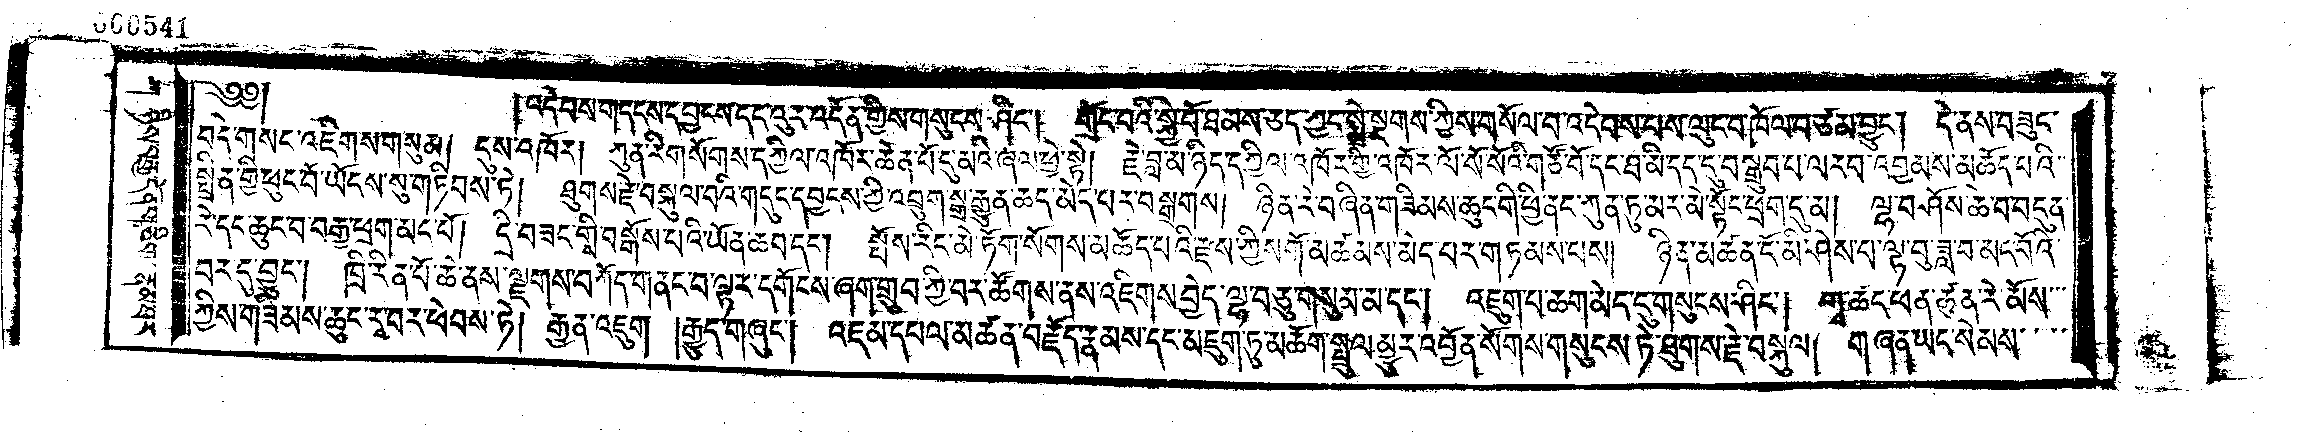༄༅། །འདེབས་གདངས་དབྱངས་དང་འུར་འདོན་གྱིས་གསུངས་ཤིང་། གྲོང་བའི་སྐྱེ་བོ་ཐམས་ཅད་ཀྱང་སྨྲེ་སྔགས་ཀྱིས་གསོལ་བ་འདེབས་པས་ལུང་པ་ཁོལ་བ་ཙམ་བྱུང་། དེ་ནས་བཟུང་
བདེ་གསང་འཇིགས་གསུམ། དུས་འཁོར། ཀུན་རིག་སོགས་དཀྱིལ་འཁོར་ཆེན་པོ་དུ་མའི་ཞལ་ཕྱེ་སྟེ། རྗེ་བླ་མ་ཉིད་དཀྱིལ་འཁོར་གྱི་འཁོར་ལོ་སོ་སོའི་གཙོ་བོ་དང་ཐ་མི་དད་དུ་བསྒྲུབ་པ་ལ་རབ་འབྱམས་མཆོད་པའི་
སྤྲིན་གྱི་ཕུང་པོ་ཡོངས་སུ་གཏིབས་ཏེ། ཐུགས་རྗེ་བསྐུལ་བའི་གདུང་དབྱངས་ཀྱི་འབྲུག་སྒྲ་རྒྱུན་ཆད་མེད་པར་བསྒྲགས། ཉིན་རེ་བཞིན་གཟིམས་ཆུང་གི་ཕྱི་ནང་ཀུན་ཏུ་མར་མེ་སྟོང་ཕྲག་དུ་མ། ལྷ་བཤོས་ཆེ་བ་བདུན་
རེ་དང་ཆུང་བ་བརྒྱ་ཕྲག་མང་པོ། དྲི་བཟང་གིས་བསྒོས་པའི་ཡོན་ཆབ་དང་། སྤོས་རིང་མེ་ཏོག་སོགས་མཆོད་པའི་རྫས་ཀྱིས་གོ་མཚམས་མེད་པར་གཏམས་པས། ཉིན་མཚན་ངོ་མི་ཤེས་པ་ལྟ་བུ་ཟླ་བ་མང་པོའི་
བར་དུ་བྱུང་། ཁྲི་རིན་པོ་ཆེ་ནས་ལྗགས་བཀོད་གནང་བ་ལྟར་དགོངས་ཞག་གྲུབ་ཀྱི་བར་ཚོགས་ནས་འཇིགས་བྱེད་ལྷ་བཅུ་གསུམ་མ་དང་། འཇུག་པ་ཆག་མེད་དུ་གསུངས་ཤིང་། གྲྭ་ཚང་ཕན་ཚུན་རེ་མོས་
ཀྱིས་གཟིམས་ཆུང་རྭ་བར་ཕེབས་ཏེ། རྒྱན་འཇུག །རྒྱུད་གཞུང་། འཇམ་དཔལ་མཚན་བརྗོད་རྣམས་དང་མཇུག་ཏུ་མཆོག་སྤྲུལ་མྱུར་འབྱོན་སོགས་གསུངས་ཏེ་ཐུགས་རྗེ་བསྐུལ། གཞན་ཡང་སེམས་